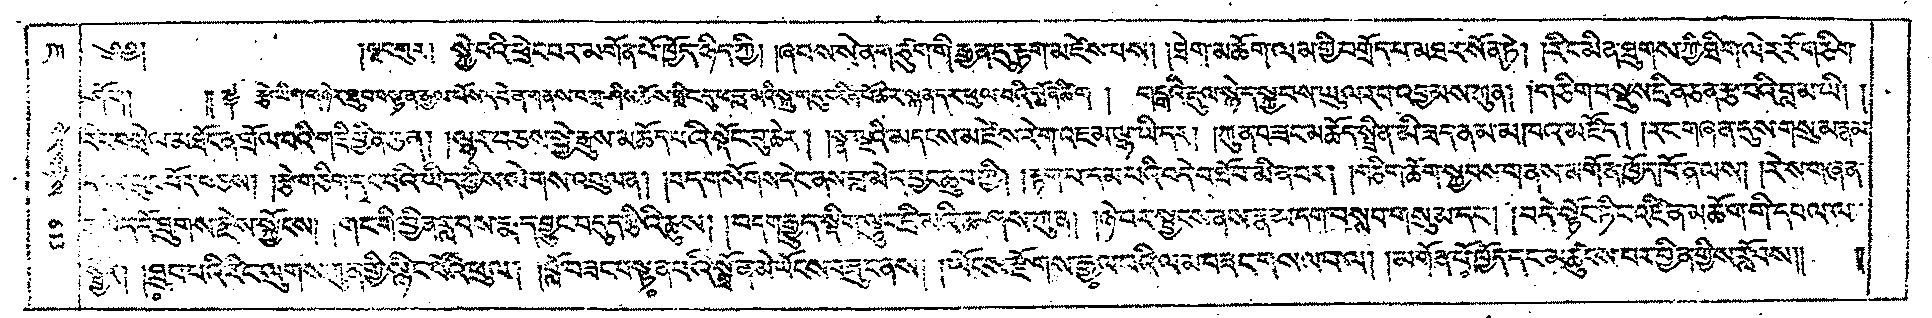༄༅། ། ལྗང་གུར།  སྐྱེ་བའི་ཕྲེང་བར་མགོན་པོ་ཁྱོད་ཉིད་ཀྱི། །ཞབས་སེན་གཙུག་གི་རྒྱན་དུ་རྟག་མཛེས་པས། །ཐེག་མཆོག་ལམ་གྱི་བགྲོད་པ་མཐར་སོན་ཏེ། །རིང་མིན་ཐུགས་ཀྱི་ཐིག་ལེར་རོ་གཅིག་
ཤོག ། །། ༈ རྩེ་ཡིག་གཉེར་ཐུབ་བསྟན་རྒྱལ་པོས་དབེན་གནས་བཀྲ་ཤིས་ཆོས་གླིང་དུ་ཕ་བླ་མའི་སྐུ་གདུང་རིན་པོ་ཆེར་སྙན་དར་ཕུལ་བའི་སྨོན་ཚིག།  གངྒའི་རྡུལ་སྙེད་སྐྱབས་ཡུལ་རབ་འབྱམས་ཀུན། །གཅིག་བསྡུས་དྲིན་ཅན་རྩ་བའི་བླ་མ་ཡི། །
རིང་བསྲེལ་མཐོང་ན་གྲོལ་བའི་གཟི་བྱིན་ཅན། །ལྷར་བཅས་སྐྱེ་རྒུས་མཆོད་པའི་སྡོང་བུ་ཆེར། །སྣ་ལྔའི་མདངས་མཛེས་རེག་འཇམ་ལྷ་ཡི་དར། །ཀུན་བཟང་མཆོད་སྤྲིན་མི་ཟད་ནམ་མཁའ་མཛོད། །རང་གཞན་དུས་གསུམ་རྣམ་
དཀར་ཕུང་པོར་བཅས། །རྩེ་གཅིག་དྭང་བའི་ཡིད་ཀྱིས་ལེགས་འབུལ་ན། །བདག་སོགས་དེང་ནས་བླ་མེད་བྱང་ཆུབ་ཀྱི། །རྟག་པ་དམ་པའི་བདེ་བ་ཐོབ་མིན་པར། །གཅིག་ཆོག་སྐྱབས་གནས་མགོན་ཁྱོད་ཁོ་ན་ལས། །རེ་ས་གཞན་
ན་མེད་དོ་ཐུགས་རྗེས་སྐྱོངས། །གང་གི་བྱིན་རླབས་རྨད་བྱུང་བདུད་རྩིའི་ཆུས། །བདག་རྒྱུད་སྡིག་ལྟུང་དྲི་མའི་ཆ་ཤས་ཀུན། །ཉེ་བར་སྦྱངས་ནས་རྣམ་དག་བསླབ་གསུམ་དང་། །བདེ་སྟོང་ཏིང་འཛིན་མཆོག་གི་དཔལ་ལ་
སྦྱོར། །ཐུབ྾་པའི་རིང་ལུགས་ཀུན་གྱི་སྙིང་པོའི་ཕུལ། །བློ་བཟང་བསྟན྾་པའི་སྒྲོན་མེ་ཡོངས་བཟུང་ནས། །ཡོངས་རྫོགས་རྒྱལ྾་བའི་ལམ་བཟང་གསལ་བ་ལ། །མགོན་པོ྾་ཁྱོད་དང་མཚུངས་པར་བྱིན་གྱིས་རློབས།། །།